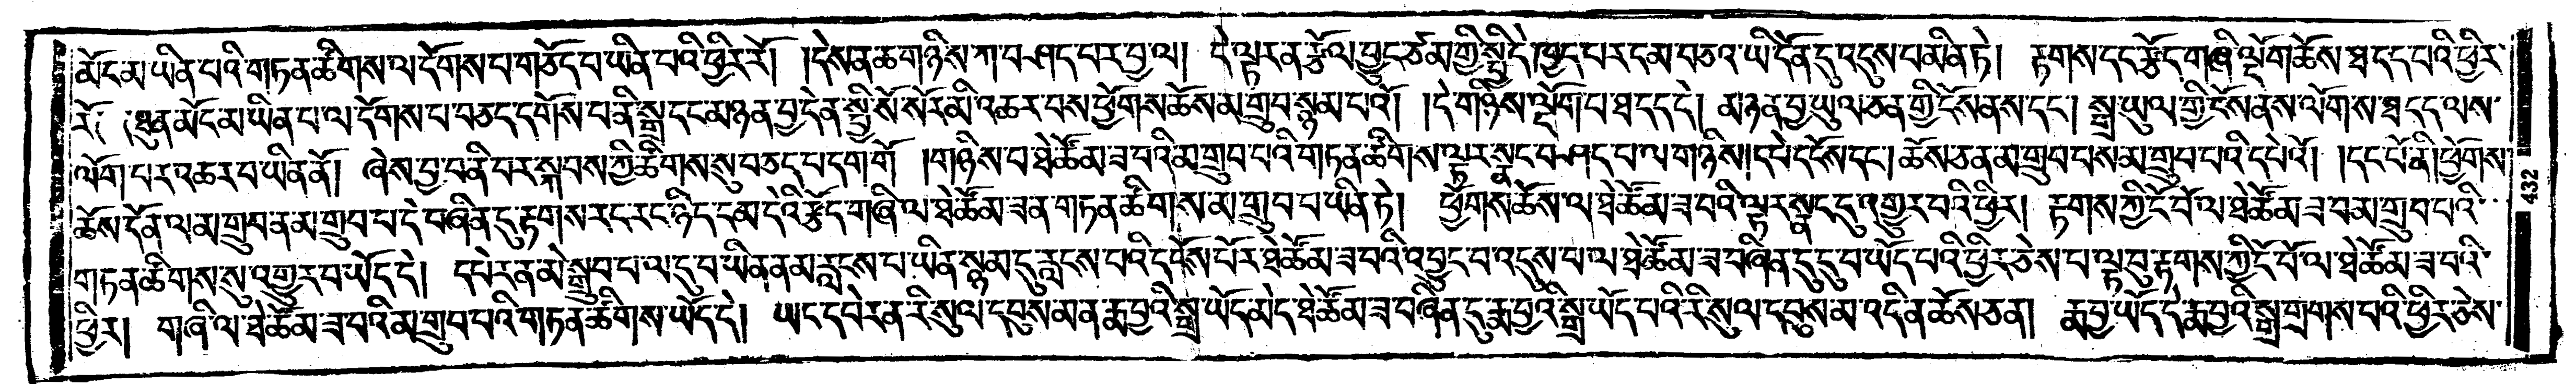མོང་མ་ཡིན་པའི་གཏན་ཚིགས་ལ་དོགས་པ་གཅོད་པ་ཡིན་པའི་ཕྱིར་རོ། །དེས་ན་ཆ་གཉིས་ཀ་བཤད་པར་བྱ་ལ། དེ་ལྟར་ན་རྩོལ་བྱུང་ཙམ་གྱི་སྤྱི་དེ་ཁྱད་པར་དམ་བཅའ་ཡི་དོན་དུ་འདུས་པ་མིན་ཏེ། རྟགས་དང་རྩོད་གཞི་ལྡོག་ཆོས་ཐ་དད་པའི་ཕྱིར་
རོ༑ ༑ཐུན་མོང་མ་ཡིན་པ་ལ་དོགས་པ་བཅད་དགོས་པ་ནི་སྒྲ་དང་མཉན་བྱ་དེ་ན་སྤྱི་སོ་སོར་མི་འཆར་བས་ཕྱོགས་ཆོས་མ་གྲུབ་སྙམ་པའོ། །དེ་གཉིས་ལྡོག་པ་ཐ་དད་དེ། མཉན་བྱ་ཡུལ་ཅན་གྱི་ངོས་ནས་དང་། སྒྲ་ཡུལ་གྱི་ངོས་ནས་ལོག་ས་ཐ་དད་ལས་
ལོག་པར་འཆར་བ་ཡིན་ནོ། ཞེས་བྱ་བ་ནི་བར་སྐབས་ཀྱི་ཚིགས་སུ་བཅད་པ་དག་གོ །གཉིས་བ་ཐེ་ཚོམ་ཟ་བའི་མ་གྲུབ་པའི་གཏན་ཚིགས་ལྟར་སྣང་བཤད་པ་ལ་གཉིས། དཔེ་དངོས་དང་། ཆོས་ཅན་མ་གྲུབ་པས་མ་གྲུབ་པའི་དཔེའོ། །དང་པོ་ནི། ཕྱོགས་
ཆོས་དོན་ལ་མ་གྲུབ་ན་མ་གྲུབ་པ་དེ་བཞིན་དུ་རྟགས་རང་རང་ཉིད་དམ་དེའི་རྩོད་གཞི་ལ་ཐེ་ཚོམ་ཟ་ན་གཏན་ཚིགས་མ་གྲུབ་པ་ཡིན་ཏེ། ཕྱོགས་ཆོས་ལ་ཐེ་ཚོམ་ཟ་བའི་ལྟར་སྣང་དུ་འགྱུར་བའི་ཕྱིར། རྟགས་ཀྱི་ངོ་བོ་ལ་ཐེ་ཚོམ་ཟ་བ་མ་གྲུབ་པའི་
གཏན་ཚིགས་སུ་འགྱུར་བ་ཡོད་དེ། དཔེར་ན་མེ་སྒྲུབ་པ་ལ་དུ་བ་ཡིན་ནམ་རླངས་པ་ཡིན་སྙམ་དུ་རླངས་པའི་དངོས་པོར་ཐེ་ཚོམ་ཟ་བའི་འབྱུང་བ་འདུས་པ་ལ་ཐེ་ཚོམ་ཟ་བཞིན་དུ་དུ་བ་ཡོད་པའི་ཕྱིར་ཅེས་པ་ལྟ་བུ་རྟགས་ཀྱི་ངོ་བོ་ལ་ཐེ་ཚོམ་ཟ་བའི་
ཕྱིར། གཞི་ལ་ཐེ་ཚོམ་ཟ་བའི་མ་གྲུབ་པའི་གཏན་ཚིགས་ཡོད་དེ། ཡང་དཔེར་ན་རི་སུལ་དབུས་མ་ན་རྨ་བྱའི་སྒྲ་ཡོད་མེད་ཐེ་ཚོམ་ཟ་བཞིན་དུ་རྨ་བྱའི་སྒྲ་ཡོད་པའི་རི་སུལ་དབུས་མ་འདི་ན་ཆོས་ཅན། རྨ་བྱ་ཡོད་དེ་རྨ་བྱའི་སྒྲ་གྲགས་པའི་ཕྱིར་ཅེས་